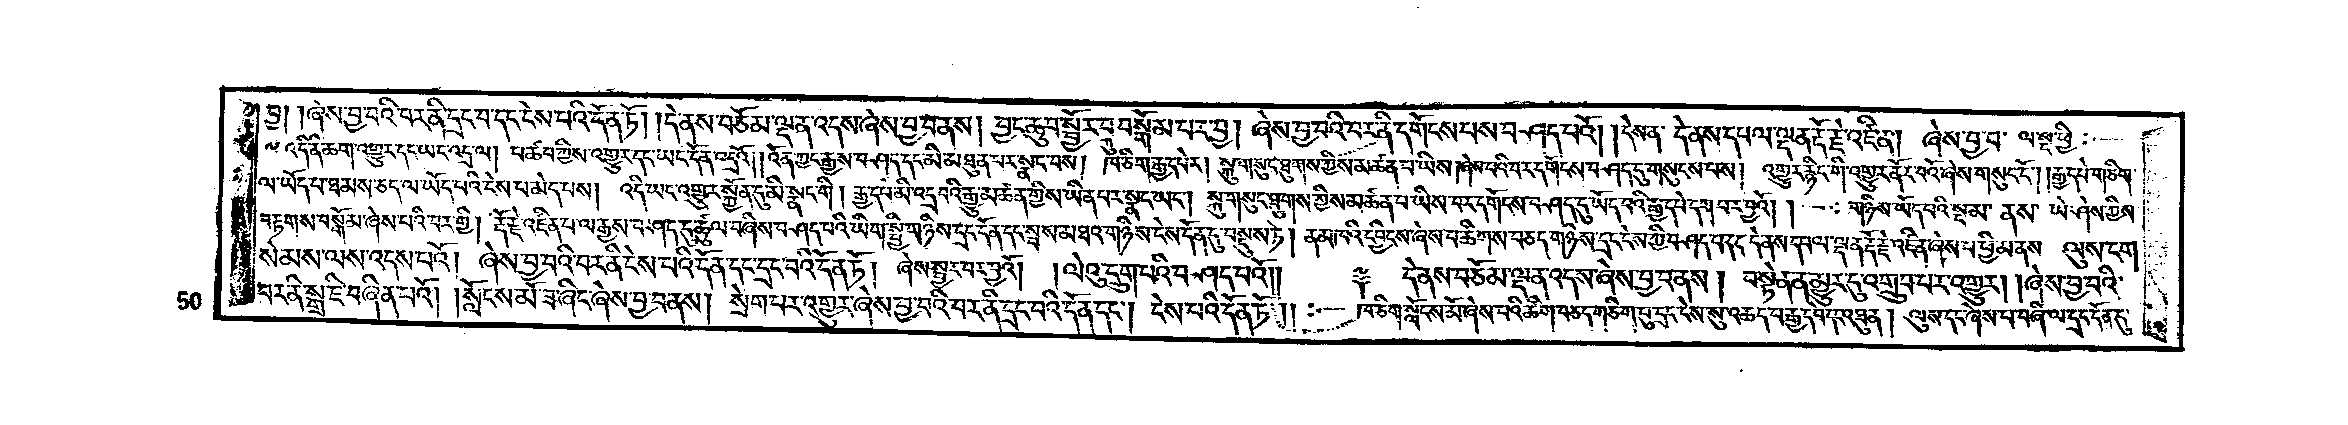བྱ། །ཞེས་བྱ་བའི་བར་ནི་དྲང་བ་དང་ངེས་པའི་དོན་ཏོ། །དེ་ནས་བཅོམ་ལྡན་འདས་ཞེས་བྱ་བ་ནས། བྱང་ཆུབ་སྦྱོར་བ་བསྒོམ་པར་བྱ། ཞེས་བྱ་བའི་བར་ནི་དགོངས་པས་བཤད་པའོ། ། དེས་ན་དེ་ནས་དཔལ་ལྡན་རྡོ་རྗེ་འཛིན། ཞེས་བྱ་བ་ལ་སྔ་ཕྱིཿ
༧འདི་ནི་ཆག་འགྱུར་དང་ཡང་འདྲ་ལ། པ་ཚབ་ཀྱིས་འགྱུར་དང་ཡང་དོན་འདྲའོ། །འོན་ཀྱང་རྒྱས་བཤད་དང་མི་མཐུན་པར་སྣང་བས། ཁ་ཅིག་རྒྱ་དཔེར། སྐུ་གསུང་ཐུགས་ཀྱིས་མཚན་པ་ཡིས། ཞེས་པའི་བར་དགོངས་བཤད་དུ་གསུངས་པས། འགྱུར་རྙིང་གི་འགྱུར་ནོར་བའོ་ཞེས་གསུང་ངོ། །རྒྱ་དཔེ་གཅིག་
ལ་ཡོད་པ་ཐམས་ཅད་ལ་ཡོད་པའི་ངེས་པ་མེད་པས། འདི་ཡང་འགྱུར་སྐྱོན་དུ་མི་སྣང་གི །རྒྱ་དཔེ་མི་འདྲ་བའི་རྒྱུ་མཚན་གྱིས་ཡིན་པར་སྣང་ཡང་། སྐུ་གསུང་ཐུགས་ཀྱིས་མཚན་པ་ཡིས་བར་དགོངས་བཤད་དུ་ཡོད་པའི་རྒྱ་དཔེ་དག་པར་བྱའོ། །.Hགཉིས་ཡོད་པའི་སྔ་མ་ནས་ཡེ་ཤེས་ཀྱིས་
བརྟགས་བསྒོམ་ཞེས་པའི་བར་གྱི། རྡོ་རྗེ་འཛིན་པ་ལ་རྒྱས་བཤད་དུ་ཚུལ་བཞིས་བཤད་པའི་ཡིག་སྤྱི་གཉིས་དྲང་དོན་དང་སྦས་མཐའ་གཉིས་ངེས་དོན་དུ་བསྡུས་ཏེ། ནམ་མཁའི་དབྱིངས་ཞེས་པ་ཚིགས་བཅད་གཉིས་དྲང་ངེས་ཀྱི་བཤད་པ་དང་དེ་ནས་དཔལ་ལྡན་རྡོ་རྗེ་འཛིན་ཞེས་པ་ཕྱི་མ་ནས་ལུས་ངག་
སེམས་ལས་འདས་པའོ། ཞེས་བྱ་བའི་བར་ནི་ངེས་པའི་དོན་དང་དྲང་བའི་དོན་ཏོ། ཞེས་སྦྱར་བར་བྱའོ།  །ལེའུ་དྲུག་པའི་བཤད་པའོ།། ༈ དེ་ནས་བཅོམ་ལྡན་འདས་ཞེས་བྱ་བ་ནས། བསྟེན་ན་མྱུར་དུ་འགྲུབ་པར་འགྱུར། །ཞེས་བྱ་བའི་
བར་ནི་སྒྲ་ཇི་བཞིན་པའོ། །སློངས་མོ་ཟ་ཞིང་ཞེས་བྱ་བ་ནས། སྲེག་པར་འགྱུར་ཞེས་བྱ་བའི་བར་ནི་དྲང་བའི་དོན་དང་། ངེས་པའི་དོན་ཏོ།།H.་ཁ་ཅིག་སློངས་མོ་ཞེས་པའི་ཚིག་བཅད་གཅིག་པུ་དྲང་ངེས་སུ་འཆད་པ་རྒྱ་དཔེ་དང་འཐུན། ལུས་དང་ཞེས་པ་བཞི་ལ་དྲང་དོན་དུ་